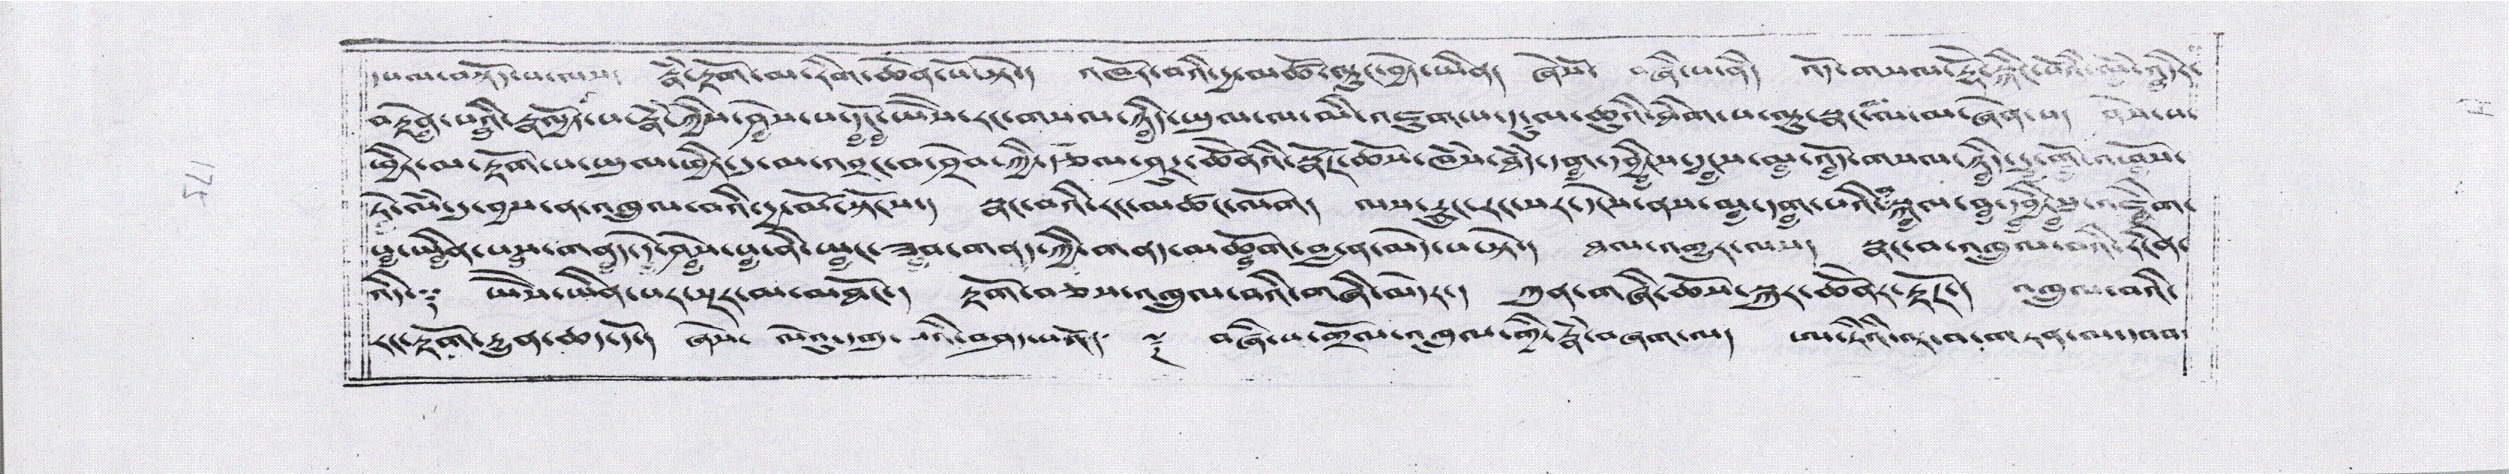དཔལ་བསྟོད་པ་ལས། རྣམ་རྟོག་མ་རིག་ཆེན་པོ་སྟེ། འཁོར་བའི་རྒྱ་མཚོ་ལྟུང་བྱེད་ཡིན། ཞེས་སོ། བཞི་པ་ནི། འོད་གསལ་རྡོ་རྗེ་སྙིང་པོའི་ལམ་འདིར་
བརྟེན་པའི་རྣལ་འབྱོར་པ་རྣམས་ཀྱིས་ཤེས་པ་དང་པོ་ཡེ་ཤེས་རང་གསལ་ཉིད་ཡུལ་ལ་མི་འཇུག་པ་དངུལ་ཆུའི་ཐིགས་པ་ལྟ་བུ་སྣང་བ་ལ་མ་ཞེན་པ། ཤེས་པ་
ཕྱིར་མ་རྟོག་པ་ཡུལ་ཕྱིར་དུ་མ་འབྲང་བ་ཤེས་རབ་ཀྱི་རྩལ་ཤུགས་ཆེན་པོའི་སྣ་ཚོགས་ཆོས་ཁམས་ཐམས་ཅད་དག་དབྱིངས་དྭངས་མ་འོད་གསལ་ཉིད་དུ་གོ་འཕོས་
ཏེ་ལམ་དུ་བྱས་ན་འཁྲུལ་པའི་རྒྱ་མཚོ་སྟོང་། སྣང་བའི་རང་མཚང་ལོག ལས་རླུང་རང་སར་དག་ནས་མ་དག་པའི་བསྐལ་པ་དབྱིངས་སུ་འཇིག་
པ་ཡིན་པས་གནད་དེ་ཤེས་པ་ནི་ཡང་ཟབ་གནད་ཀྱི་གནད་མཆོག་བླ་ན་མེད་པ་སྟེ། ཐལ་འགྱུར་ལས། སྣང་བ་འཁྲུལ་པའི་རང་བཞིན་
འདི། ཡེ་ཤེས་ཡིན་པར་སྔར་མ་མཐོང་། རྟོག་བཅས་འཁྲུལ་པའི་གཞི་མེད་པར། ཀུན་གཞི་ཆོས་སྐུར་ཆེན་པོར་རྟོགས། འཁྲུལ་པའི་
རང་རྟོག་རྒྱུན་ཆད་དོ། ཞེས་ལེའུ་དགུ་པའི་བཤད་པའོ། །༧ བཞི་པ་གྲོལ་འཁྲུལ་གྱི་རྣམ་གཞག་ལ། ཨ་ཏིའི་ལྟ་བ་གཏན་ལ་དབབ་